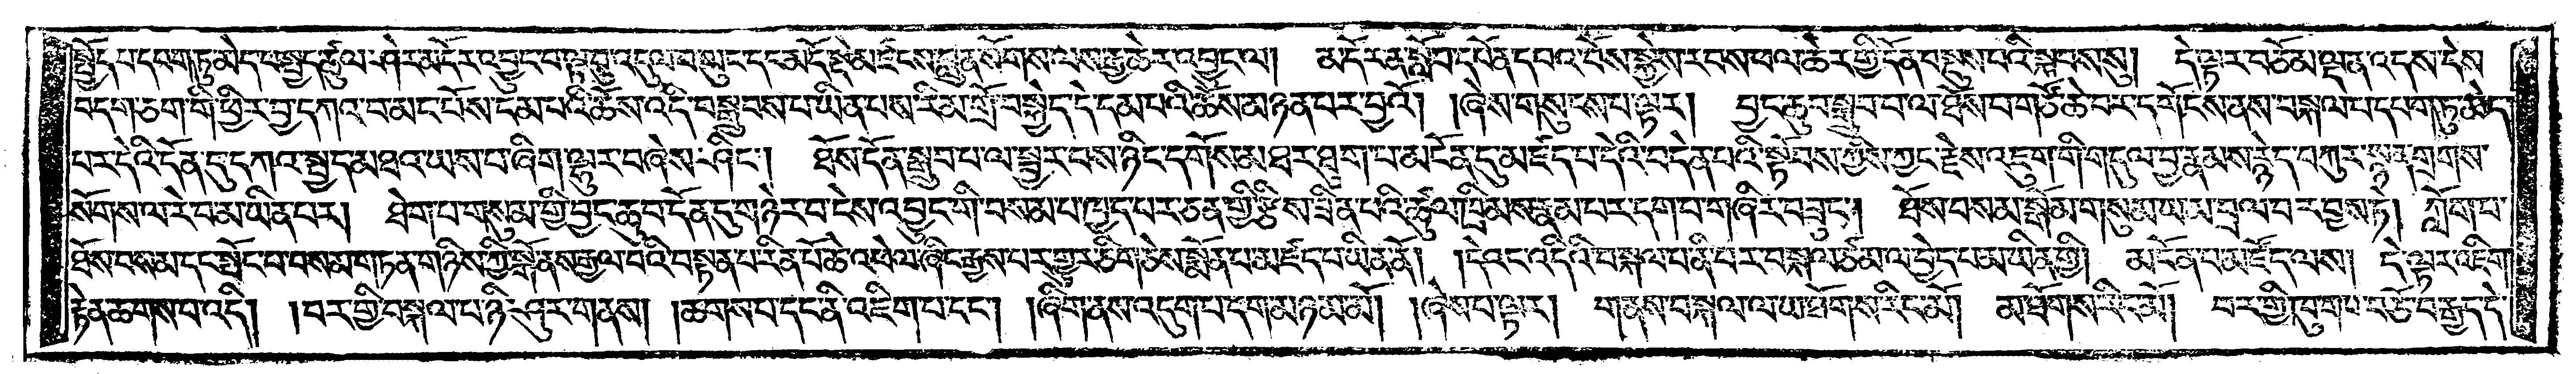སྤྱོད་པ་དཔག་ཏུ་མེད་པ་སྤྱད་ཚུལ་ཤེས་མདོར་འབྱུང་བལྟ་བུ་འདུལ་པ་ལུང་དང་མདོ་སྡེ་མཛངས་བློན་སོགས་ལས་རྒྱ་ཆེར་འབྱུང་ལ། མདོར་ན་སློབ་དཔོན་དཔའ་བོས་སྐྱེས་རབས་ཕལ་ཆེར་གྱི་དོན་བསྡུས་པའི་སྐབས་སུ། དེ་ལྟར་བཅོམ་ལྡན་འདས་དེས་
བདག་ཅག་གི་ཕྱིར་བྱ་དཀའ་བ་མང་པོས་དམ་པའི་ཆོས་འདི་བསྒྲུབས་པ་ཡིན་པས་རིམ་གྲོ་བསྐྱེད་དེ་དམ་པའི་ཆོས་མཉན་པར་བྱའོ། །ཞེས་གསུངས་པ་ལྟར། བྱང་ཆུབ་སྒྲུབ་པ་ལ་ཐོས་པ་གཙོ་ཆེ་བར་དགོངས་ནས་བསྐལ་པ་དཔག་ཏུ་མེད་
པར་དེའི་དོན་དུ་དཀའ་སྤྱད་མཐའ་ཡས་བ་ཞིག་ལྷུར་བཞིས་ཤིང་། ཐོས་དོན་སྒྲུབ་པ་ལ་སྦྱར་བས་ཉིང་དགོས་མཐར་ཐུག་པ་མངོན་དུ་མཛད་པ་དེའི་བདེན་པའི་སྟོབས་ཀྱིས་ཀྱང་རྗེས་འཇུག་གི་གདུལ་བྱ་རྣམས་རྙེད་བཀུར་སྙན་གྲགས་
སོགས་ལ་རེ་བ་མ་ཡིན་པར། ཐེག་པ་གསུམ་གྱི་བྱང་ཆུབ་དོན་དུ་གཉེར་བ་ངེས་འབྱུང་གི་བསམ་པ་ཁྱད་པར་ཅན་གྱི་རྩིས་ཟིན་པའི་ཚུལ་ཁྲིམས་རྣམ་པར་དག་པ་གཞིར་བཟུང་། ཐོས་བསམ་སྒོམ་གསུམ་ཡམ་བྲལ་བར་བྱས་ཏེ། ཀློག་པ་
ཐོས་བསམ་དང་སྤོང་བ་བསམ་གཏན་གཉིས་ཀྱི་སྒོ་ནས་རྒྱལ་བའི་བསྟན་པ་རིན་པོ་ཆེ་འཕེལ་ཞིང་རྒྱས་པར་གྱུར་ཅིག་ཅེས་སྨོན་པ་བྨྫད་བ་ཡིན་ནོ། །དེའང་འདིའི་བསྐལ་བ་ནི་བར་བསྐལ་ཙམ་ལ་བྱེད་པ་མ་ཡིན་གྱི། མངོན་པ་མཛོད་ལས། དེ་ལྟར་འཇིག་
རྟེན་ཆགས་པ་འདི། །བར་གྱི་བསྐལ་པ་ཉི་ཤུར་གནས། །ཆགས་པ་དང་ནི་འཇིག་པ་དང་། །ཞིག་ནས་འདུག་པ་དག་མཉམ་མོ། །ཞེས་པ་ལྟར། གནས་བསྐལ་ལ་ཡ་ཐོགས་རིང་མོ། མ་ཐོགས་རིང་མོ། བར་གྱི་ཨུཁུག་བཅོ་བརྒྱད་དེ་